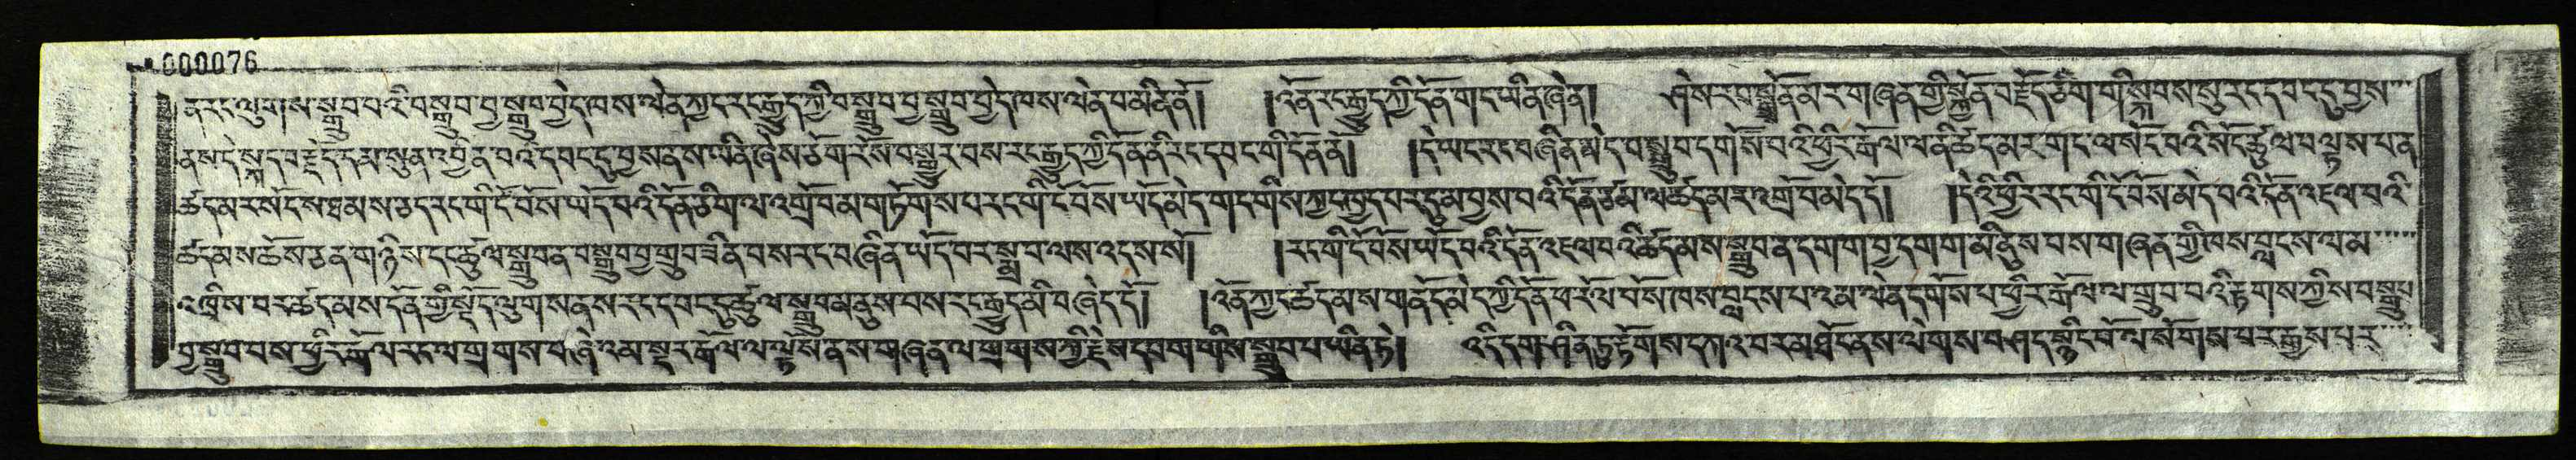ན་རང་ལུགས་སྒྲུབ་པའི་བསྒྲུབ་བྱ་སྒྲུབ་བྱེད་ཁས་ལེན་ཀྱང་རང་རྒྱུད་ཀྱི་བསྒྲུབ་བྱ་སྒྲུབ་བྱེད་ཁས་ལེན་པ་མིན་ནོ། །འོན་རང་རྒྱུད་ཀྱི་དོན་གང་ཡིན་ཞེ་ན། ཤེས་རབ་སྒྲོན་མར་གཞན་གྱི་སྐྱོན་བརྗོད་ཅིག་གི་སྐབས་སུ་རང་དབང་དུ་བྱས་
ནས་དེ་སྐད་བརྗོད་དམ་སུན་འབྱིན་པའི་དབང་དུ་བྱས་ནས་ཡིན་ཞེས་ཅོག་རོས་བསྒྱུར་བས་རང་རྒྱུད་ཀྱི་དོན་ནི་རང་དབང་གི་དོན་ནོ། །དེ་ཡང་རང་བཞིན་མེད་པ་སྒྲུབ་དགོས་པའི་ཕྱིར་རྒོལ་ལ་ནི་ཚད་མར་གང་ལ་སོང་བའི་སོང་ཚུལ་བལྟས་པ་ན་
ཚད་མར་སོང་ས་ཐམས་ཅད་རང་གི་ངོ་བོས་ཡོད་པའི་དོན་ཅིག་ལ་འགྲོ་བ་མ་གཏོགས་པ་རང་གི་ངོ་བོས་ཡོད་མེད་གང་གིས་ཀྱང་ཁྱད་པར་དུ་མ་བྱས་པའི་དོན་ཙམ་ལ་ཚད་མར་འགྲོ་བ་མེད་དོ། །དེའི་ཕྱིར་རང་གི་ངོ་བོས་མེད་པའི་དོན་འཇལ་བའི་
ཚད་མས་ཆོས་ཅན་གཉིས་དང་ཚུལ་སྒྲུབ་ན་བསྒྲུབ་བྱ་གྲུབ་ཟིན་པས་རང་བཞིན་ཡོད་པར་སྨྲ་བ་ལས་འདས་སོ། །རང་གི་ངོ་བོས་ཡོད་པའི་དོན་འཇལ་བའི་ཚད་མས་སྒྲུབ་ན་དགག་བྱ་དགག་མི་ནུས་པས་གཞན་གྱི་ཁས་བླངས་ལ་མ་
འཁྲིས་བར་ཚད་མས་དོན་གྱི་སྡོད་ལུགས་ནས་རང་དབང་དུ་ཚུལ་སྒྲུབ་མ་ནུས་བས་རང་རྒྱུད་མི་བཞེད་དོ། །འོན་ཀྱང་ཚད་མས་གནོད་མེད་ཀྱི་དོན་ཕ་རོལ་བོས་ཁས་བླངས་པ་འམ་ལེན་དགོས་པ་ཕྱིར་རྒོལ་ལ་གྲུབ་པའི་རྟགས་ཀྱིས་བསྒྲུབ་
བྱ་སྒྲུབ་པས་ཕྱིར་རྒོལ་རང་ལ་གྲགས་བཞི་འམ་སྔར་རྒོལ་ལ་ལྟོས་ནས་གཞན་ལ་གྲགས་ཀྱི་རྗེས་དཔག་གིས་སྒྲུབ་པ་ཡིན་ཏེ། འདི་དག་ཤིན་ཏུ་རྟོགས་དཀའ་བར་མཐོང་ནས་ལེགས་བཤད་སྙིང་པོ་ལ་སོགས་པར་རྒྱས་པར་